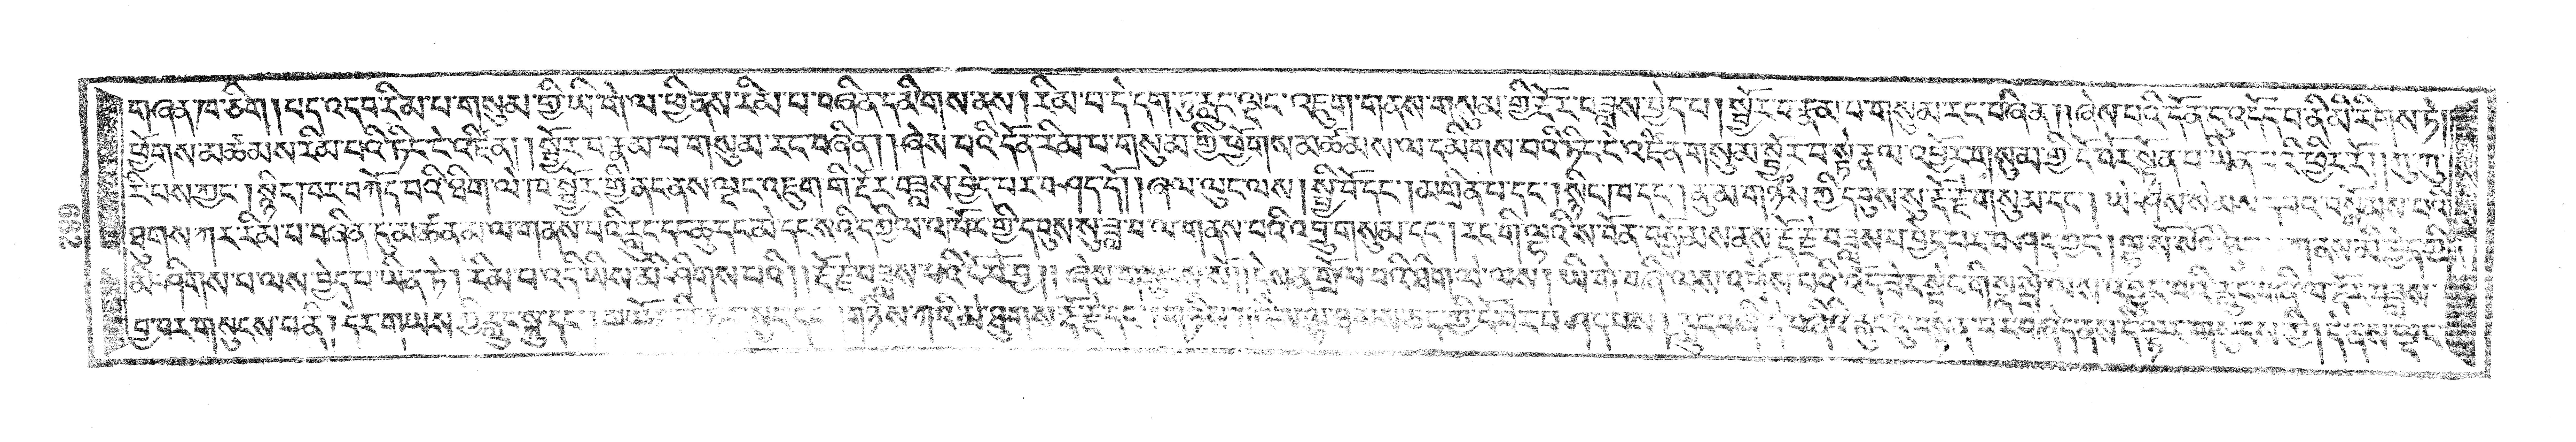གཞན་ཁ་ཅིག །པད་འདབ་རིམ་པ་གསུམ་གྱི་ཡི་གེ་ལ་ཕྱི་ནས་རིམ་པ་བཞིན་དམིགས་ནས། རིམ་པ་དེ་དག་ཏུ་རླུང་ལྡང་འཇུག་གནས་གསུམ་གྱི་རྡོར་བཟླས་བྱེད་པ། སྦྱོར་བ་རྣམ་པ་གསུམ་རང་བཞིན། །ཞེས་པའི་དོན་དུ་འདོད་པ་ནི་མི་རིགས་ཏེ།
ཕྱོགས་མཚམས་རིམ་པའི་ཏིང་ངེ་འཛིན། །སྦྱོར་བ་རྣམ་པ་གསུམ་རང་བཞིན། །ཞེས་པའི་དོན་རིམ་པ་གསུམ་གྱི་ཕྱོགས་མཚམས་ལ་དམིགས་པའི་ཏིང་ངེ་འཛིན་གསུམ་སྦྱོར་པ་སྟེ་རྣལ་འབྱོར་གསུམ་གྱི་ངོ་བོར་སྟོན་པ་ཡིན་པའི་ཕྱིར་རོ། །ཀུ་ཀུ་
རི་པས་ཀྱང་། སྙིང་ཁར་བཀོད་པའི་ཐིག་ལེ་ཁ་སྦྱོར་གྱི་ནང་ནས་ལྡང་འཇུག་གི་རྡོར་བཟླས་བྱེད་པར་བཤད་དོ། །ཞལ་ལུང་ལས། སྤྱི་བོ་དང་། མགྲིན་པ་དང་། སྙིང་ཁ་དང་། ནུ་མ་གཉིས་ཀྱི་དབུས་སུ་རྡོ་རྗེ་གསུམ་དང་། ཡེ་ཤེས་སེམས་དཔའ་བསྒོམས་པའི་
ཐུགས་ཀར་རིམ་པ་བཞིན་དུ་མཚན་མ་ལ་གནས་པའི་རླུང་དང་ཆུ་དང་མེ་དང་སའི་དཀྱིལ་འཁོར་གྱི་དབུས་སུ་ཟླ་བ་ལ་གནས་པའི་འབྲུ་གསུམ་དང་། རང་གི་ལྷའི་ས་བོན་བསྒོམས་ནས་རྡོ་རྗེ་བཟླས་པ་བྱེད་པར་བཤད་ཀྱང་། ལྷ་སོ་སོའི་ཐུགས་ཀ་ནས་མི་བྱེད་ཀྱི་
མི་ཤིགས་པ་ལས་བྱེད་པ་ཡིན་ཏེ། རིམ་པ་འདི་ཡིས་མི་ཤིགས་པའི། །རྡོ་རྗེ་བཟླས་པའི་ངོ་བོ་བྱ། །ཞེས་གསུངས་སོ། །དེས་ན་གྲོལ་བའི་ཐིག་ལེ་ལས། ཡི་གེ་བཞི་ལས་འཕྲོས་པའི་འོད་ཟེར་སྟེང་གི་སྣ་སྒོ་ལས་འབྱུང་བའི་རླུང་བཞི་ལ་རྡོར་བཟླས་
བྱ་བར་གསུངས་པ་ནི། དེར་གཡས་ཀྱི་རླུང་སྐུ་དང་། གཡོན་གྱི་ཆུ་གསུང་དང་། གཉིས་ཀའི་མེ་ཐུགས་རྡོ་རྗེ་དང་། གཉིས་ཀའི་ས་ལྷ་ཐམས་ཅད་ཀྱི་ངོ་བོར་བཤད་པས། རླུང་བཞི་དེ་བཞིའི་རླུང་དུ་བསྟན་པར་བཞེད་ནས་དེ་ལྟར་གསུངས་ཀྱི། དེ་ནས་ལྡང་